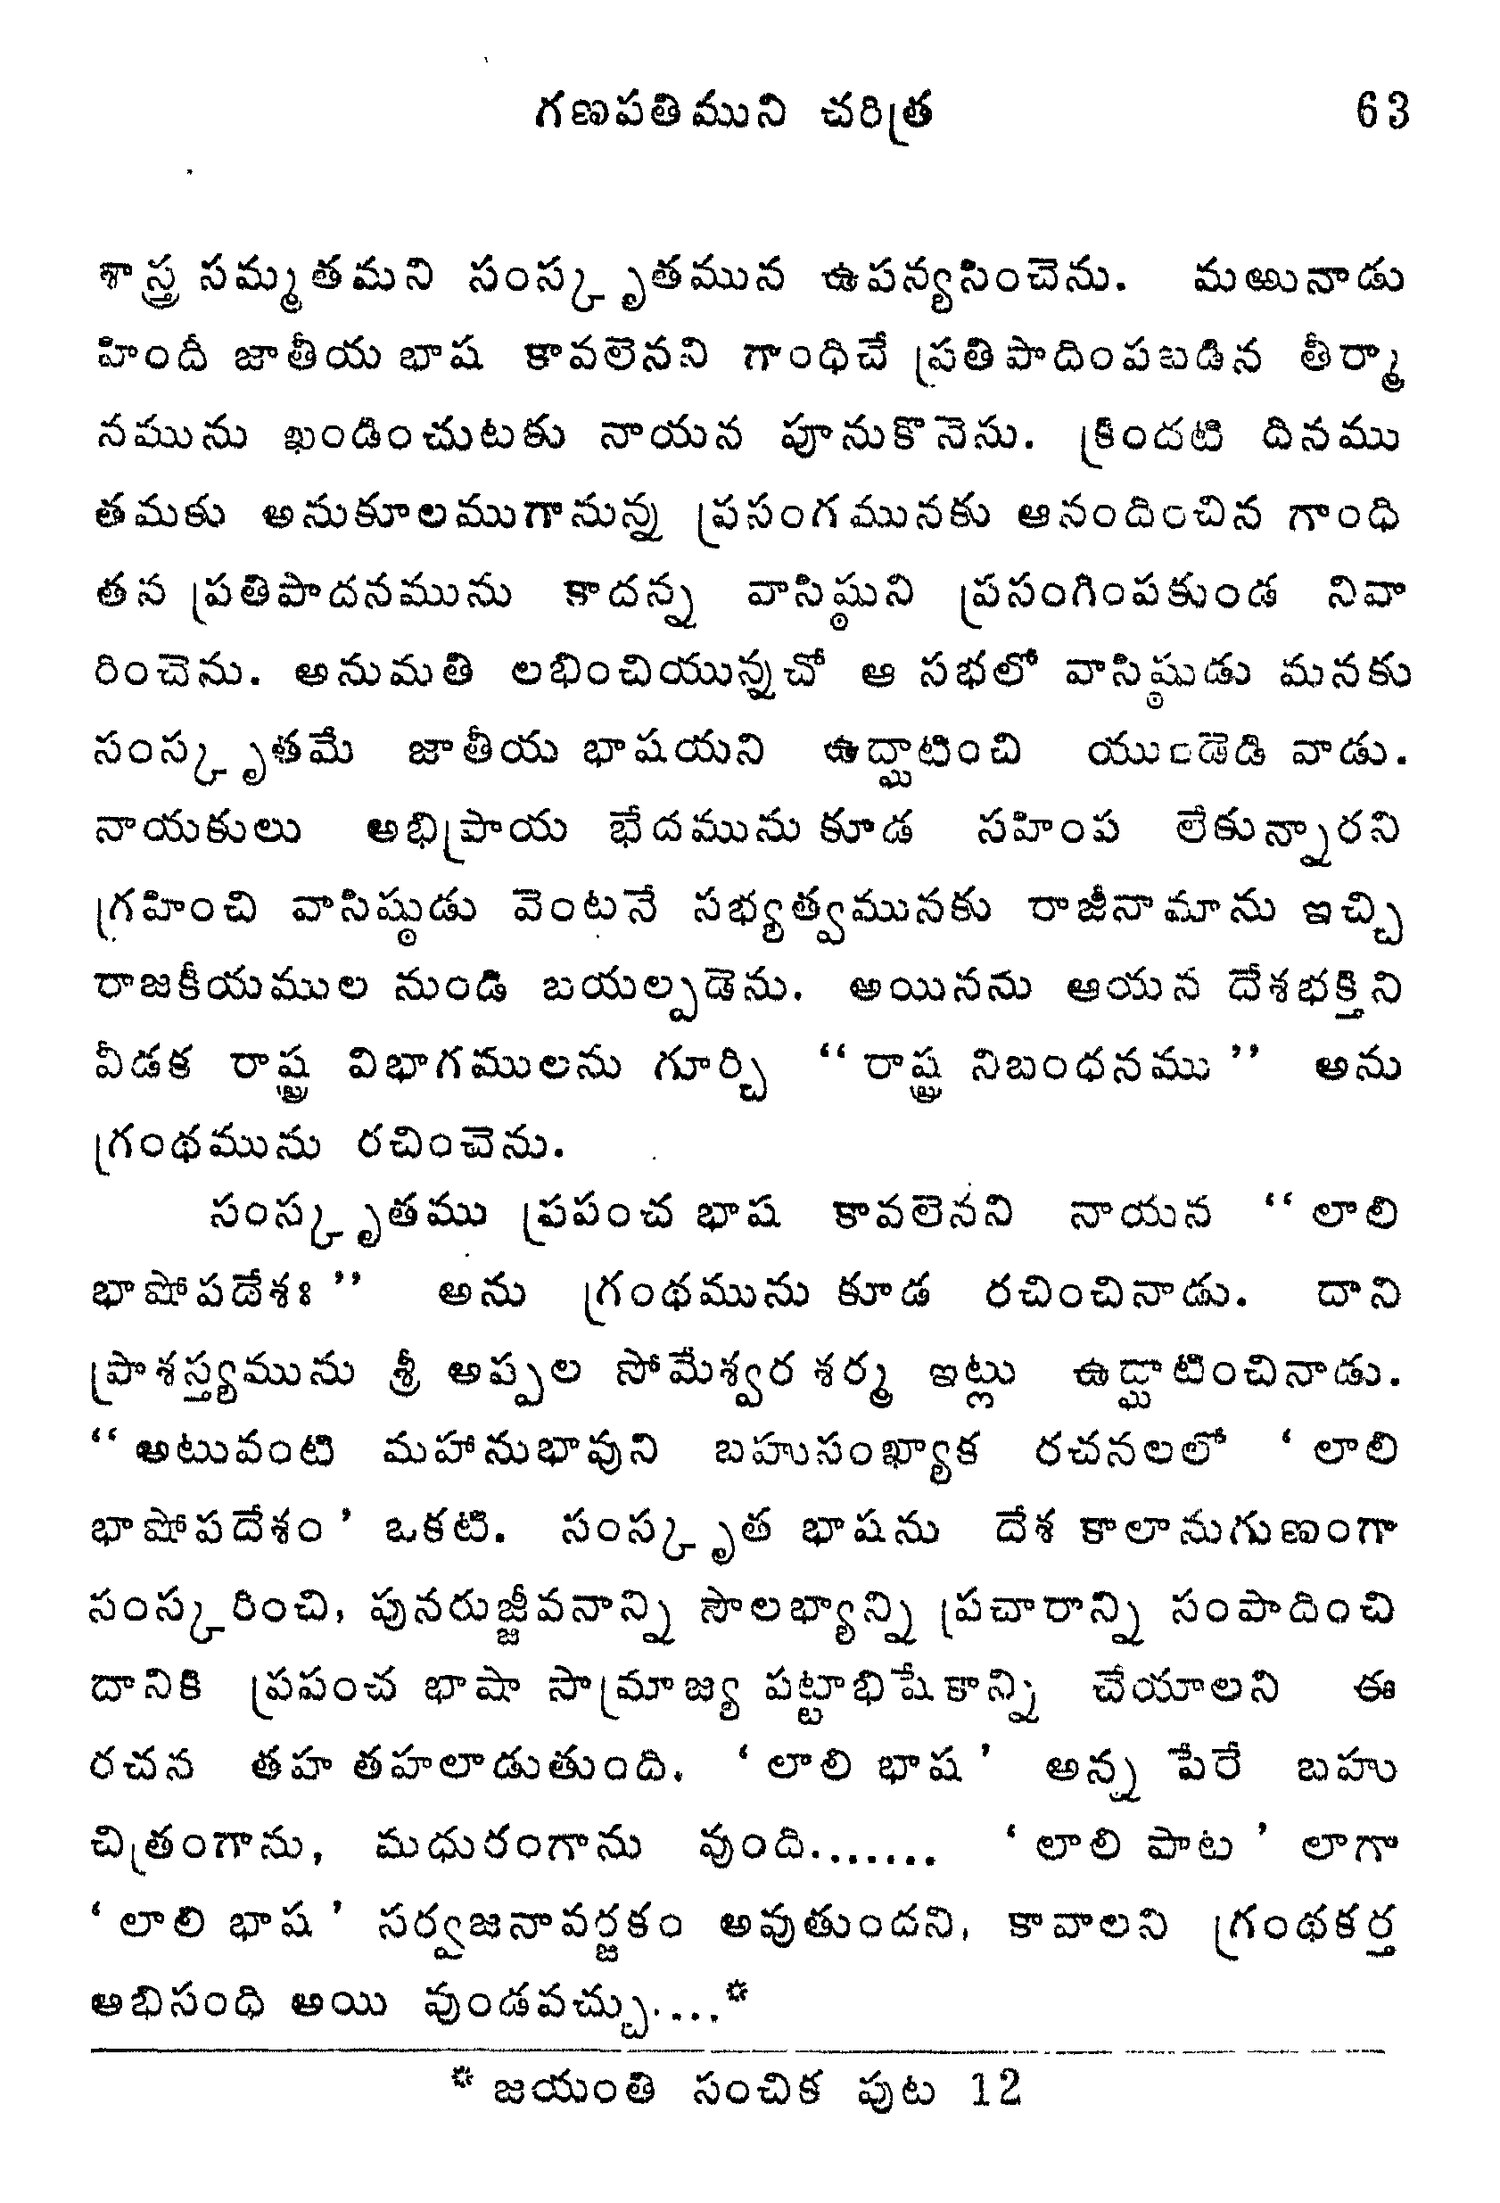శాస్త్ర సమ్మతమని సంస్కృతమున ఉపన్యసించెను. మఱునాడు హిందీ జాతీయ బాష కావలెనని గాంధిచే ప్రతిపాదింపబడిన తీర్మానమును ఖండించుటకు నాయన పూనుకొనెను. క్రిందటి దినము తమకు అనుకూలముగానున్న ప్రసంగమునకు ఆనందించిన గాంధి తన ప్రతిపాదనమును కాదన్న వాసిష్ఠుని ప్రసంగింపకుండ నివారించెను. అనుమతి లభించియున్నచో ఆ సభలో వాసిష్ఠుడు మనకు సంస్కృతమే జాతీయ భాషయని ఉద్ఘాటించి యుండెడి వాడు. నాయకులు అభిప్రాయ భేదమునుకూడ సహింప లేకున్నారని గ్రహించి వాసిష్ఠుడు వెంటనే సభ్యత్వమునకు రాజీనామాను ఇచ్చి రాజకీయముల నుండి బయల్పడెను. అయినను ఆయన దేశభక్తిని వీడక రాష్ట్ర విభాగములను గూర్చి "రాష్ట్ర నిబంధనము" అను గ్రంథమును రచించెను.

సంస్కృతము ప్రపంచ భాష కావలెనని నాయన "లాలి భాషోపదేశ:" అను గ్రంథమును కూడ రచించినాడు. దాని ప్రాశస్త్యమును శ్రీ అప్పల సోమేశ్వర శర్మ ఇట్లు ఉద్ఘాటించినాడు. "అటువంటి మహానుభావుని బహుసంఖ్యాక రచనలలో 'లాలి భాషోపదేశం' ఒకటి,. సంస్కృత భాషను దేశ కాలానుగుణంగా సంస్కరించి, పునరుజ్జీవనాన్ని సౌలభ్యాన్ని ప్రచారాన్ని సంపాదించి దానికి ప్రపంచ భాషా సామ్రాజ్య పట్టాభిషేకాన్ని చేయాలని ఈ రచన తహ తహలాడుతుంది. 'లాలి భాష' అన్న పేరే బహు చిత్రంగాను, మధురంగాను వుంది...... 'లాలి పాట' లాగా 'లాలి భాష' సర్వజనావర్జకం అవుతుందని, కావాలని గ్రంథకర్త అభిసంధి అయి వుండవచ్చు...